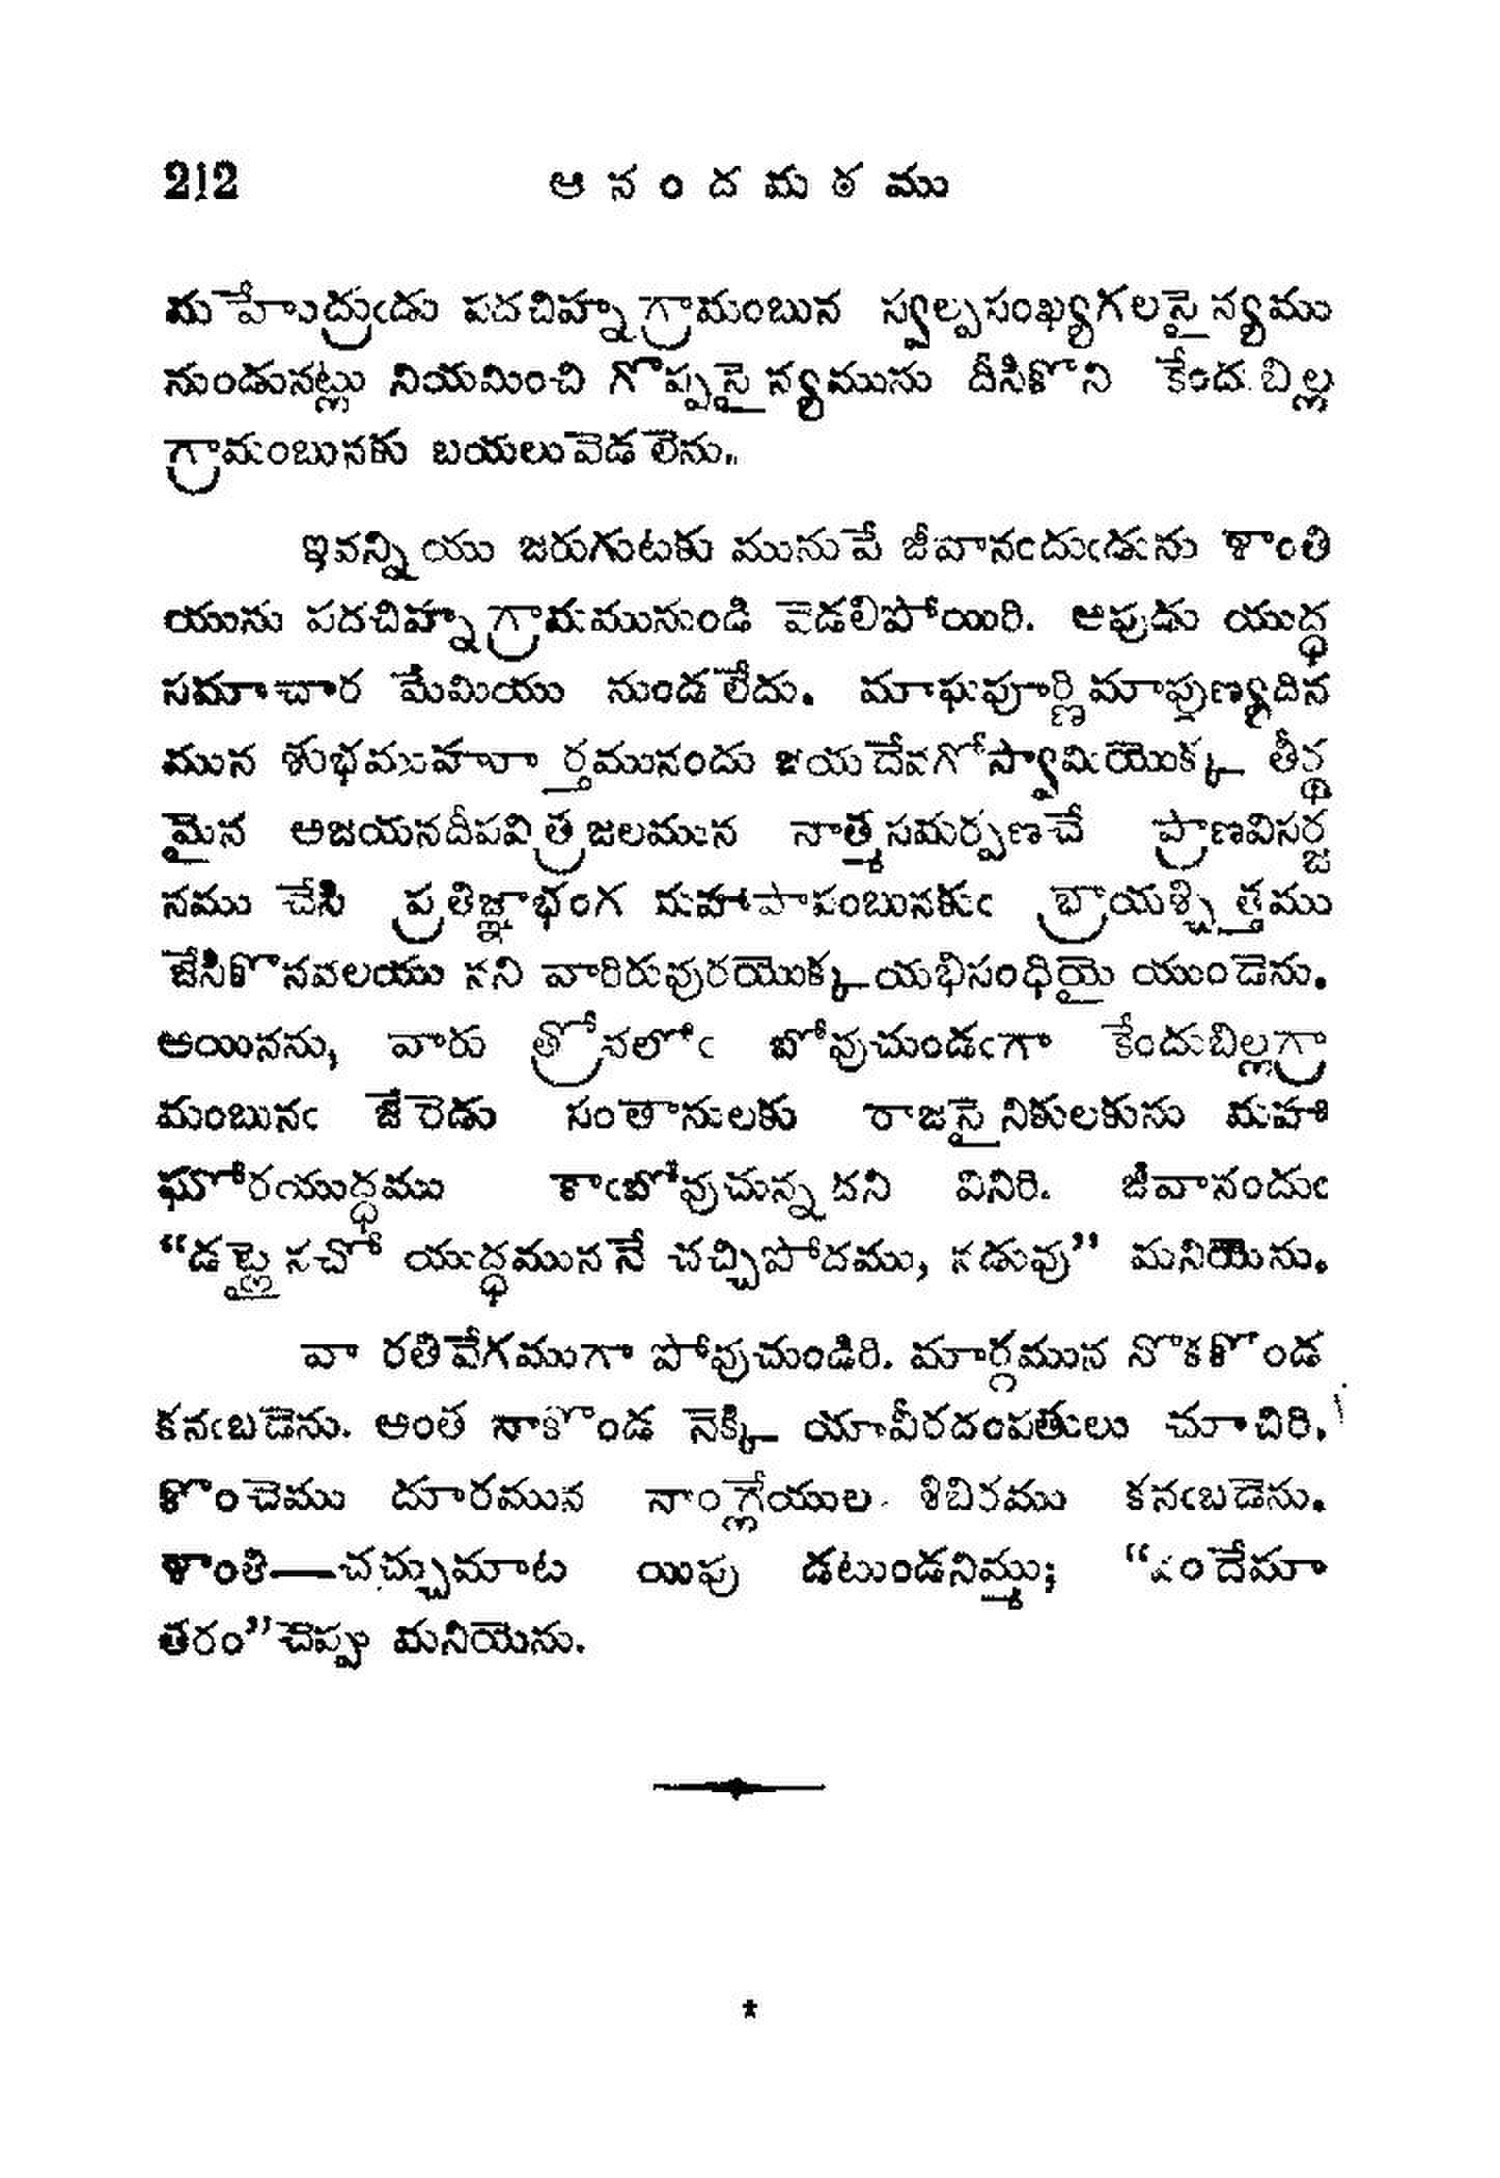మహేంద్రుఁడు పదచిహ్న గ్రామంబున స్వల్పసంఖ్యగల సైన్యము నుండునట్లు నియమించి గొప్ప సైన్యమును దీసికొని కేందుబిల్ల గ్రామంబునకు బయలువెడలెను.

ఇవన్నియు జరుగుటకు మునుపే జీవానందుఁడును శాంతి యును పదచిహ్న గ్రామమునుండి వెడలిపోయిరి. అపుడు యుద్ధ
సమాచార మేమియు నుండ లేదు. మాఘపూర్ణిమా పుణ్యదినమున శుభముహూర్తమునందు జయదేవగోస్వామి యొక్క తీర్థ
మైన అజయనదీ పవిత్ర జలమున నాత్మ సమర్పణచే ప్రాణవిసర్జనము చేసి ప్రతిజ్ఞా భంగ మహాపాపంబునకుఁ బ్రాయశ్చిత్తము
జేసికొనవలయు నని వారిరువురయొక్కయభిసంధియై యుండెను. అయినను, వారు త్రోవలోఁ బోవుచుండఁగా కేందుబిల్ల గ్రామంబునఁ జేరెడు సంతానులకు రాజసైనికులకును మహా ఘోరయుద్ధము కాఁబోవుచున్నదని వినిరి. జీవానందుఁ “డట్లైనచో యుద్ధముననే చచ్చిపోదము, నడువు" మనియెను.

వా రతి వేగముగా పోవుచుండిరి. మార్గమున నొకకోండ కనఁబడెను. అంత నాకొండ నెక్కి యావీరదంపతులు చూచిరి.
కొంచెము దూరమున నాంగ్లేయుల శిబిరము కనఁబడెను. శాంతి——చచ్చుమాట యిపు డటుండనిమ్ము; “వందేమాతరం” చెప్పు మనియెను.